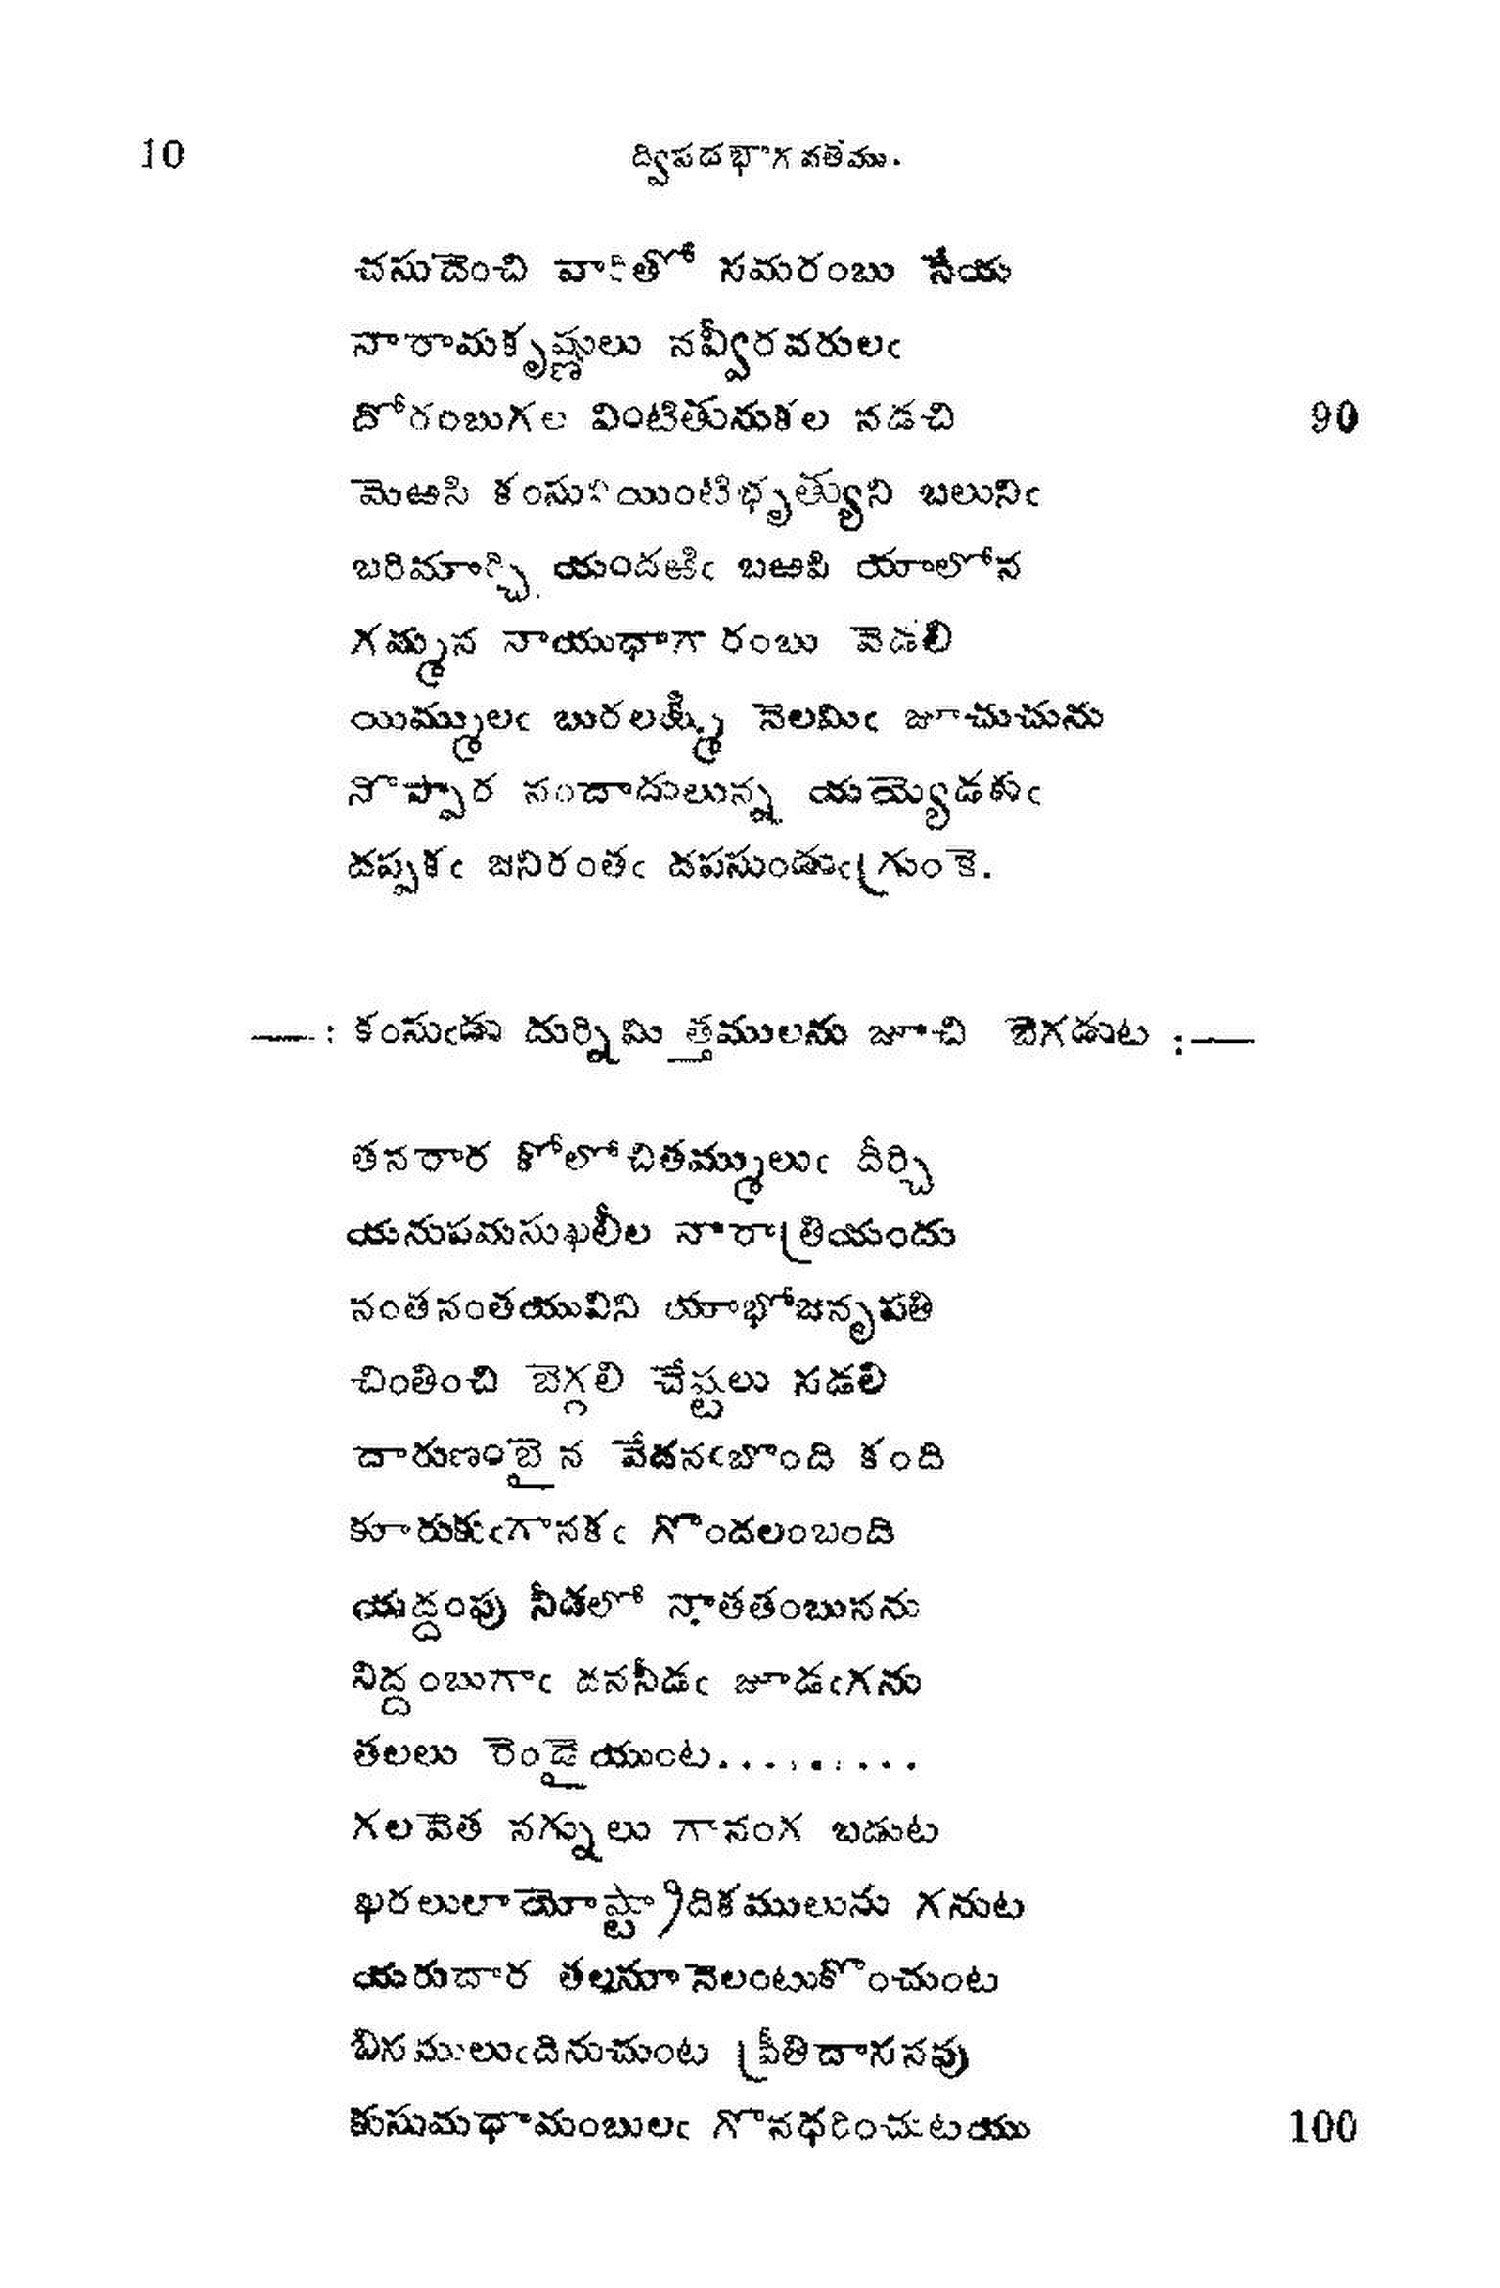చనుదెంచి వారితో సమరంబు సేయ
నారామకృష్ణులు నవ్వీరవరులఁ
దోరంబుగల వింటితునుకల నడచి
మెఱసి కంసునియింటిభృత్యుని బలునిఁ
బరిమార్చి యందఱిఁ బఱపి యాలోన
గమ్మన నాయుధాగారంబు వెడలి
యిమ్ములఁ బురలక్ష్మి నెలమిఁ జూచుచును
నొప్పార నందాదులున్న యయ్యెడకుఁ
దప్పకఁ జనిరంతఁ దపసుండుఁ గ్రుంకె.

తనరార కాలోచితమ్ములుఁ దీర్చి
యనుపమసుఖలీల నారాత్రియందు
నంతనంతయు విని యాభోజనృపతి
చింతించి బెగ్గలి చేష్టలు సడలి
దారుణంబైన వేదనఁ బొంది కంది
కూరుకుఁ గానకఁ గొందలంబంది
యద్దంపునీడలో నాతతంబునను
నిద్దంబుగాఁ దననీడఁ జూడఁగను
తలలు రెండై యుంట...........
గలవెత నగ్నులు గానంగ బడుట
ఖరలులాయోష్ట్రాదికములును గనుట
యరుదార తలనూనెలంటుకొంచుంట
బిసములుఁదినుచుంట ప్రీతిదాసనపు
కుసుమధామంబులఁ గొనధరించుటయు